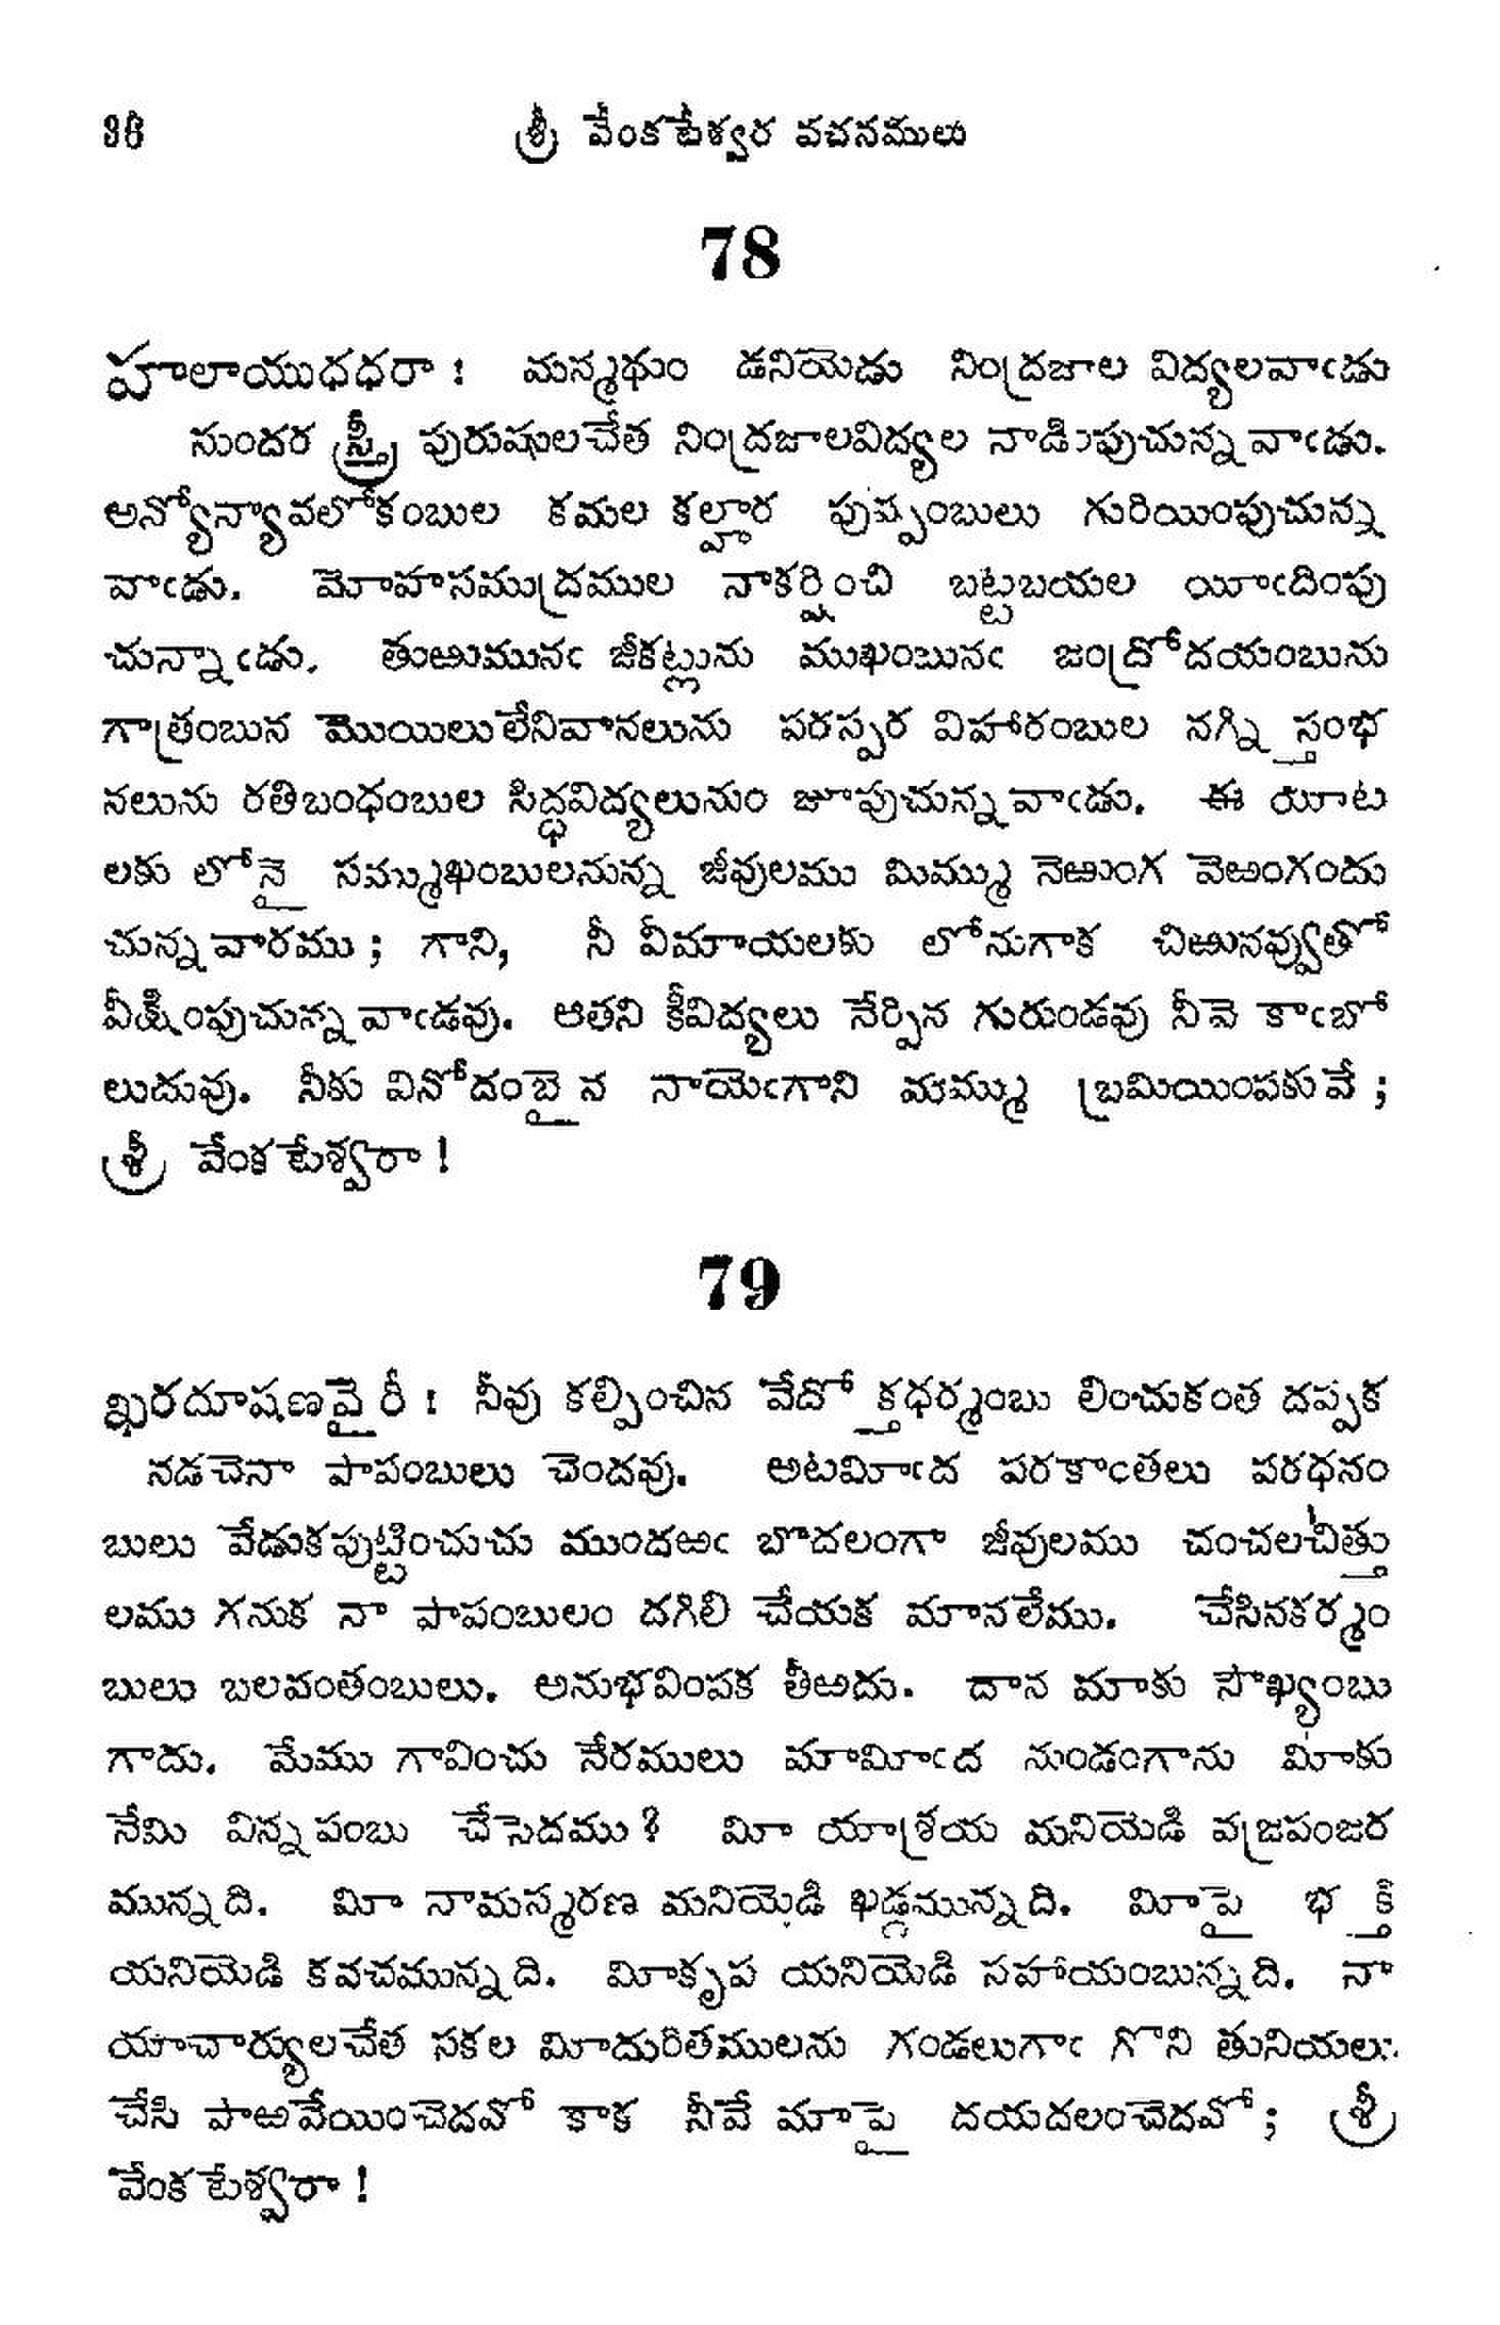78

 ! మన్మథుం డనియెడు నింద్రజాల విద్యలవాఁడు సుందర స్త్రీ, పురుషులచేత నింద్రజాలవిద్యల నాడింపుచున్న వాఁడు. అన్యోన్యావలోకంబుల కమల కల్హార పుష్పంబులు గురియింపుచున్నవాడు. మోహసముద్రముల నాకర్షించి బట్టబయల యీఁదింపు చున్నాఁడు. తుఱుమునఁ జీకట్లును ముఖంబునఁ జంద్రోదయంబును గాత్రంబున మొయిలులేనివానలును పరస్పర విహారంబుల నగ్నిస్తంభనలును రతిబంధంబుల సిద్ధవిద్యలునుం జూపుచున్నవాఁడు. ఈ యాటలకు లోనై సమ్ముఖంబులనున్న జీవులము మిమ్ము నెఱుంగ వెఱంగందు చున్న వారము ; గాని, నీ వీ మాయలకు లోనుగాక చిఱునవ్వుతో వీక్షింపుచున్నవాఁడవు. ఆతని కీవిద్యలు నేర్పిన గురుండవు నీవె కాఁబోలుదువు. నీకు వినోదంబైన నాయెఁగాని మమ్ము బ్రమియింపకువే ; శ్రీ వేంకటేశ్వరా !

79

 ! నీవు కల్పించిన 'వేదో క్తధర్మంబు లించుకంత దప్పక నడచెనా పాపంబులు చెందవు. అటమీఁద పరకాంతలు పరధనంబులు వేడుక పుట్టించుచు ముందఱఁ బొదలంగా జీవులము చంచలచిత్తులము గనుక నా పాపంబులం దగిలి చేయక మానలేము. చేసినకర్మంబులు బలవంతంబులు. అనుభవింపక తీఱదు. దాన మాకు సౌఖ్యంబు గాదు. మేము గావించు నేరములు మామీఁద నుండంగాను మీకు నేమి విన్నపంబు చేసెదము? మీ యాశ్రయ మనియెడి వజ్రపంజర మున్నది. మీ నామస్మరణ మనియెడి ఖడ్గమున్నది. మీపై భక్తి యనియెడి కవచమున్నది. మీకృప యనియెడి సహాయంబున్నది. నా యాచార్యులచేత సకల మీదురితములను గండలుగాఁ గొని తునియలు చేసి పాఱవేయించెదవో కాక నీవే మాపై దయదలంచెదవో; శ్రీ వేంకటేశ్వరా !